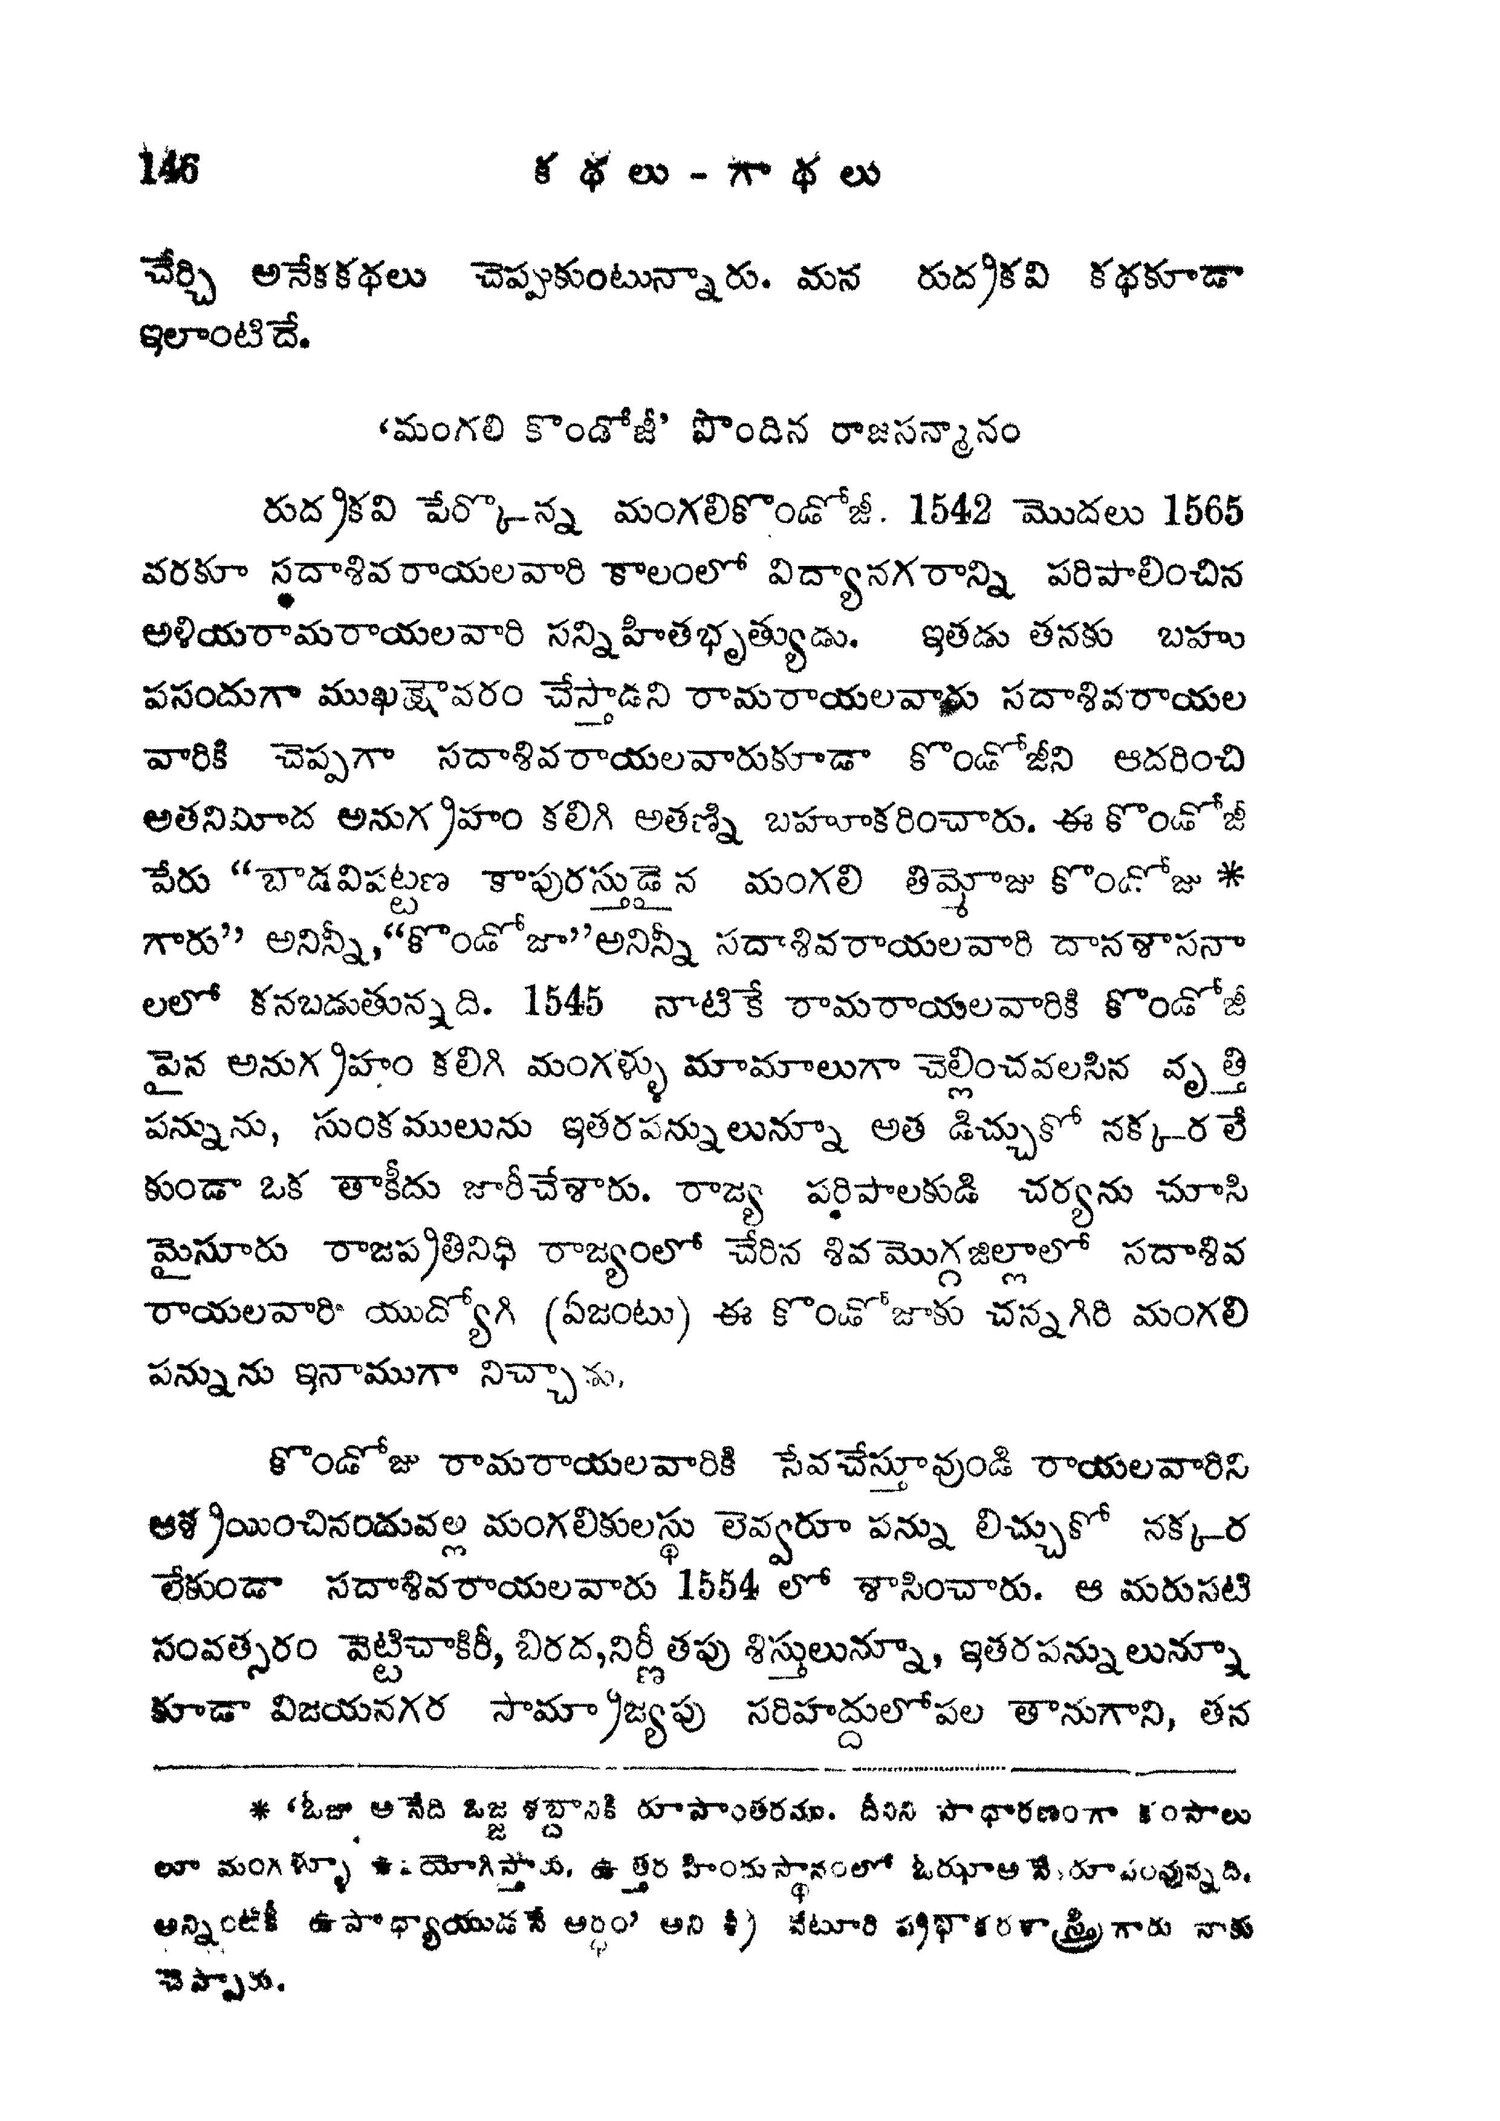చేర్చి అనేకకధలు చెప్పుకుంటున్నారు. మన రుద్రకవి కధకూడా ఇలాంటిదే.

రుద్రకవి పేర్కొన్న మంగలికొండోజీ 1545 మొదలు 1565 వరకూ సదాశివరాయలవారి కాలంలో విద్యానగరాన్ని పరిపాలించిన అళియరామరాయలవారి సన్నిహితభృత్యుడు. ఇతడు తనకు బహుపసందుగా ముఖక్షౌవరం చేస్తాడని రాయలవారు సదాశివరాయల వారికి చెప్పగా సదాశివరాయలవారు కూడా కొండోజీని ఆదరించి అతనిమీద అనుగ్రహం కలిగి అతణ్ణి బహుకరించారు. ఈ కొండోజీ పేరు "బాడవిపట్టణ కాపురస్తుడైన మంగలి తిమ్మొజు కొండోజు* గారు" అనిన్నీ, "కొండోజా" అనిన్నీ సదాశివరాయలవారి దానశాసనాలలొ కనబడుతున్నది. 1545 నాటికే రామరాయలవారికి కొండోజీ పైన అనుగ్రహం కలిగి మంగళ్ళు మామూలుగ చెల్లించవలసిన వృత్తి పన్నును, సుంకములును ఇతరపన్నులన్నూ అతడిచ్చుకో నక్కరలేకుండా ఒక తాకీదు జారీచేశారు. రాజ్య పరిపాలకుడి చర్యను చూసి మైసూరు రాజప్రతినిధి రాజ్యంలో చేరిన శివమొగ్గ జిల్లాలొ సదాశివరాయలవారి యుద్యోగి (ఏజంటు) ఈ కొండోజూకు చన్నగిరి మంగలి పన్నును ఇనాముగా నిచ్చారు.

కొండోజు రామరాయలవారికి సేవచేస్తూవుండి రాయలవారిని ఆశ్రయించినందువల్ల మంగలికులస్ధు లెవ్వరూ పన్ను లిచ్చుకో నక్కర లేకుండా సదాశివరాయలవారు 1554 లో శాసించారు. ఆ మరుసటి సంవత్సరం వెట్టిచాకిరీ., బిరద, నిర్ణీతపు శిస్తులున్నూ, ఇతరపన్నులున్నూ కూడా విజయనగర సామ్రాజ్యపు సగిహద్దులోపల తానుగాని, తన